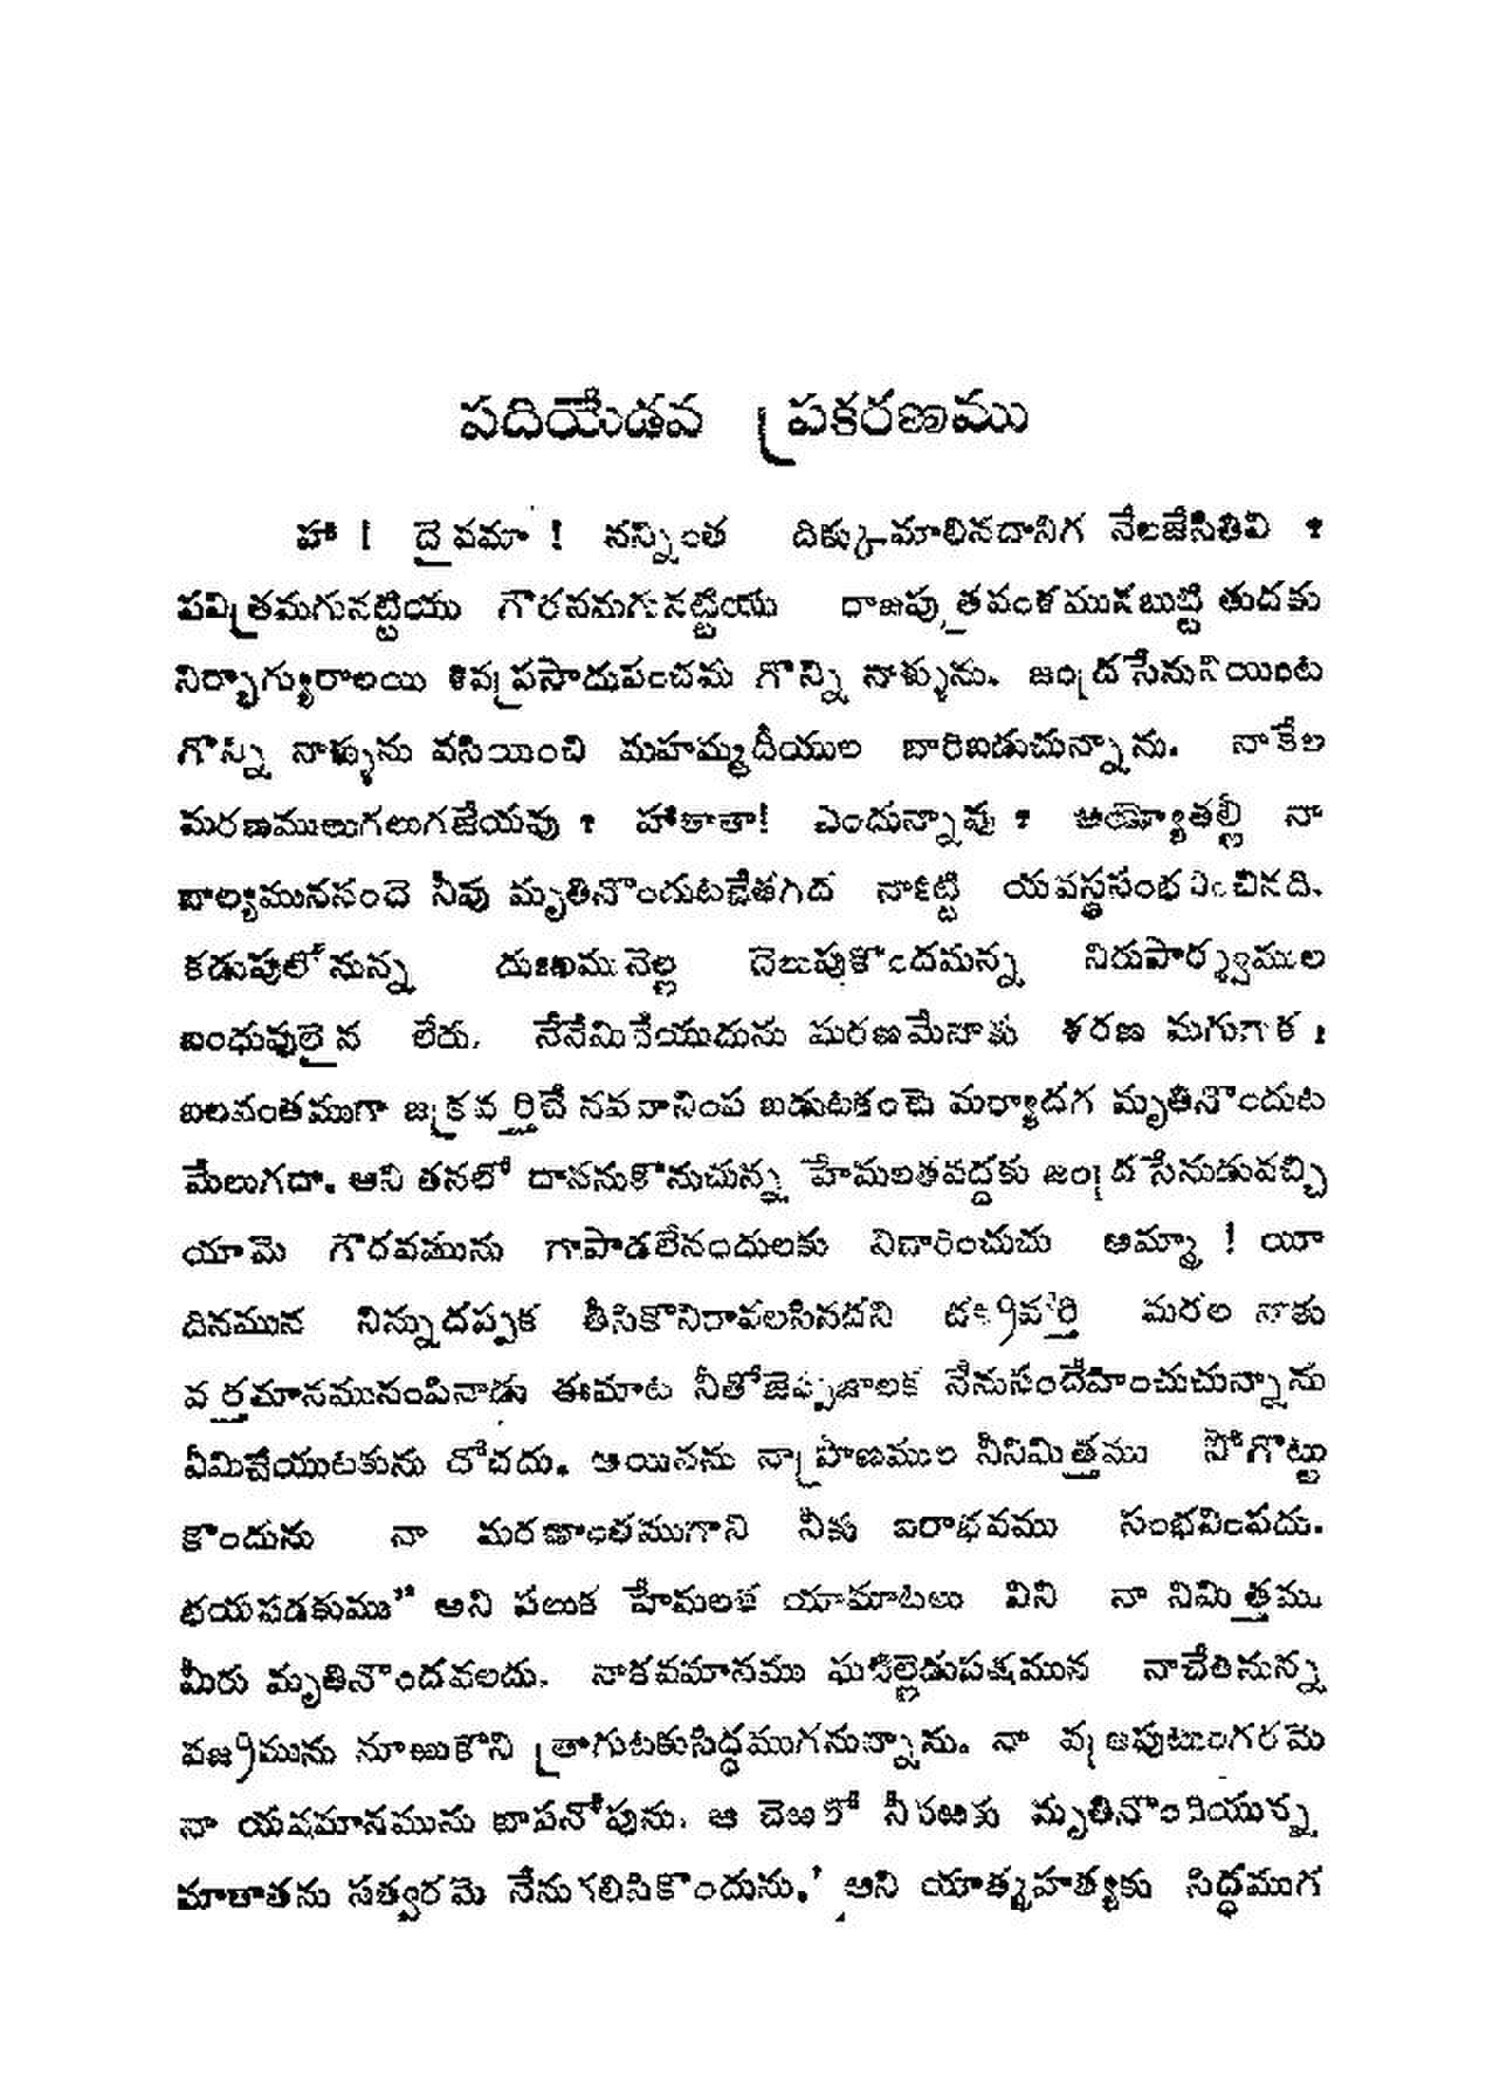హా! దైవమా! నన్నింత దిక్కుమాలినదానిగ నేలజేసితివి? ఆ పవిత్రమగునట్టియు గౌరవమగునట్టియు రాజపుత్రవంశమునబుట్టి తుదకు నిర్భాగ్యురాలయి శివప్రసాదుపంచను గొన్ని నాళ్ళును, జంద్రసేనుని యింట గొన్ని నాళ్ళును వసియించి మహమ్మదీయుల బారిబడుచున్నాను. నాకేల మరణములుగలుగజేయవు? హా తాతా! ఎందున్నావు? అయ్యోతల్లీ నా బాల్యముననందె నీవు మృతినొందుటచేతగది నాకిట్టి యవస్థసంభవించినది, కడుపులో నున్న దుఃఖము నెల్ల దెలుపుకొందమన్న నిరుపార్శ్వముల బంధువులైన లేదు. నేనేమి చేయుదును? మరణమేనాకు శరణ మగుగాక! బలవంతముగా జక్రవర్తిచే నవమానింప బడుటకంటె మర్యాదగ మృతినొందుట మేలుగదా. అని తనలో దాననుకొనుచున్న హేమలత వద్దకు జంద్రసేనుడువచ్చి యామె గౌరవమును గాపాడలేనందులకు విచారించుచు అమ్మా! యీ దినమున నిన్నుదప్పక తీసికొనిరావలసినదని చక్రవర్తి మరల నాకు వర్తమానమునంపినాడు. ఈమాట నీతో జెప్పజాలక నేను సందేహించుచున్నాను. ఏమిచేయుటకును దోచదు. అయినను నా ప్రాణముల నిమిత్తము పోగొట్టు కొందును. నా మరణాంతముగాని నీకు బరాభవము సంభవింపదు. భయపడకుము” అని పలుక హేమలత యామాటలు విని ‘నా నిమిత్తము మీరు మృతినొందవలదు. నాకవమానము ఘటిల్లెడు పక్షమున నాచేతినున్న వజ్రమును నూఱుకొని త్రాగుటకు సిద్ధముగనున్నాను. నా వజ్రపుటుంగరమ నా యవమానమును బాపనోపును. ఆ చెఱలో నీవఱకు మృతినొందియున్న మాతాతను సత్వరమే నేను కలిసికొందును.’ అని యాత్మహత్యకు సిద్ధముగ